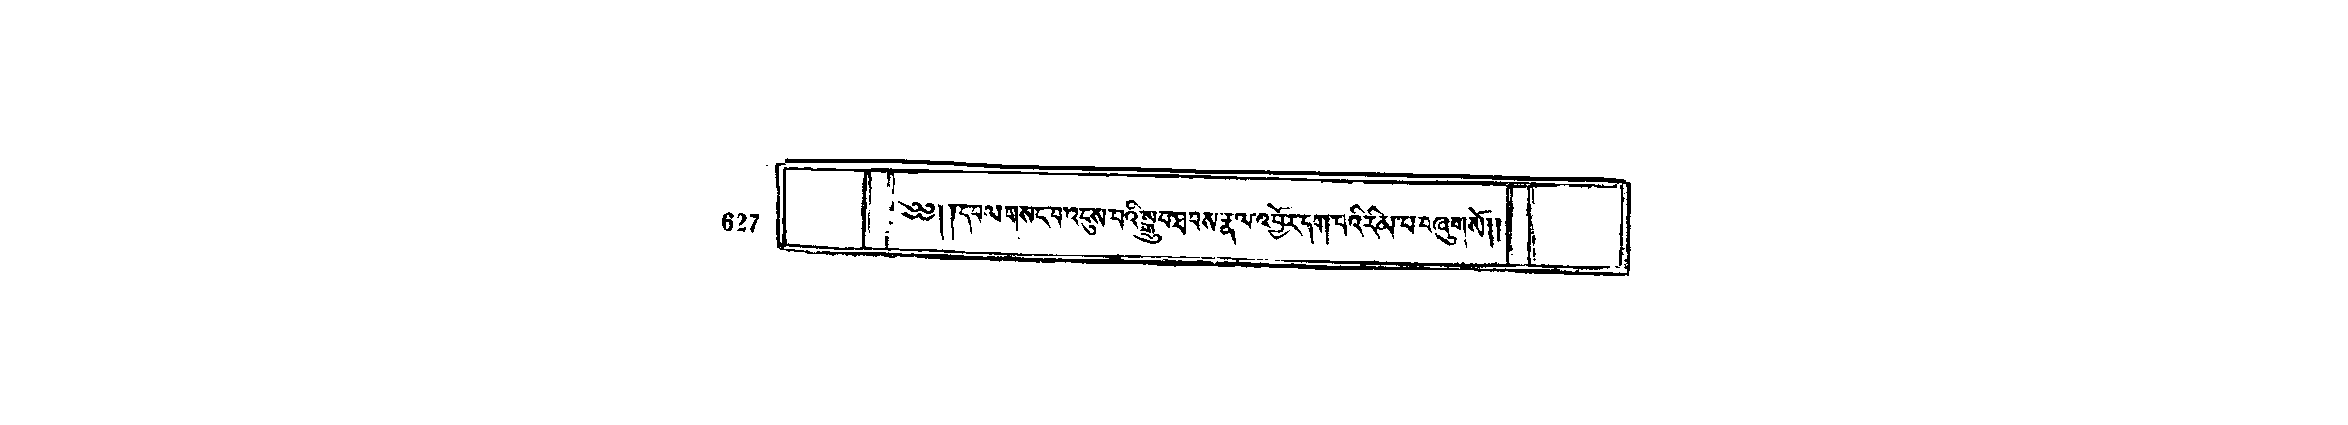༄༅། །དཔལ་གསང་བ་འདུས་པའི་སྒྲུབ་ཐབས་རྣལ་འབྱོར་དག་པའི་རིམ་པ་བཞུགས་སོ།།